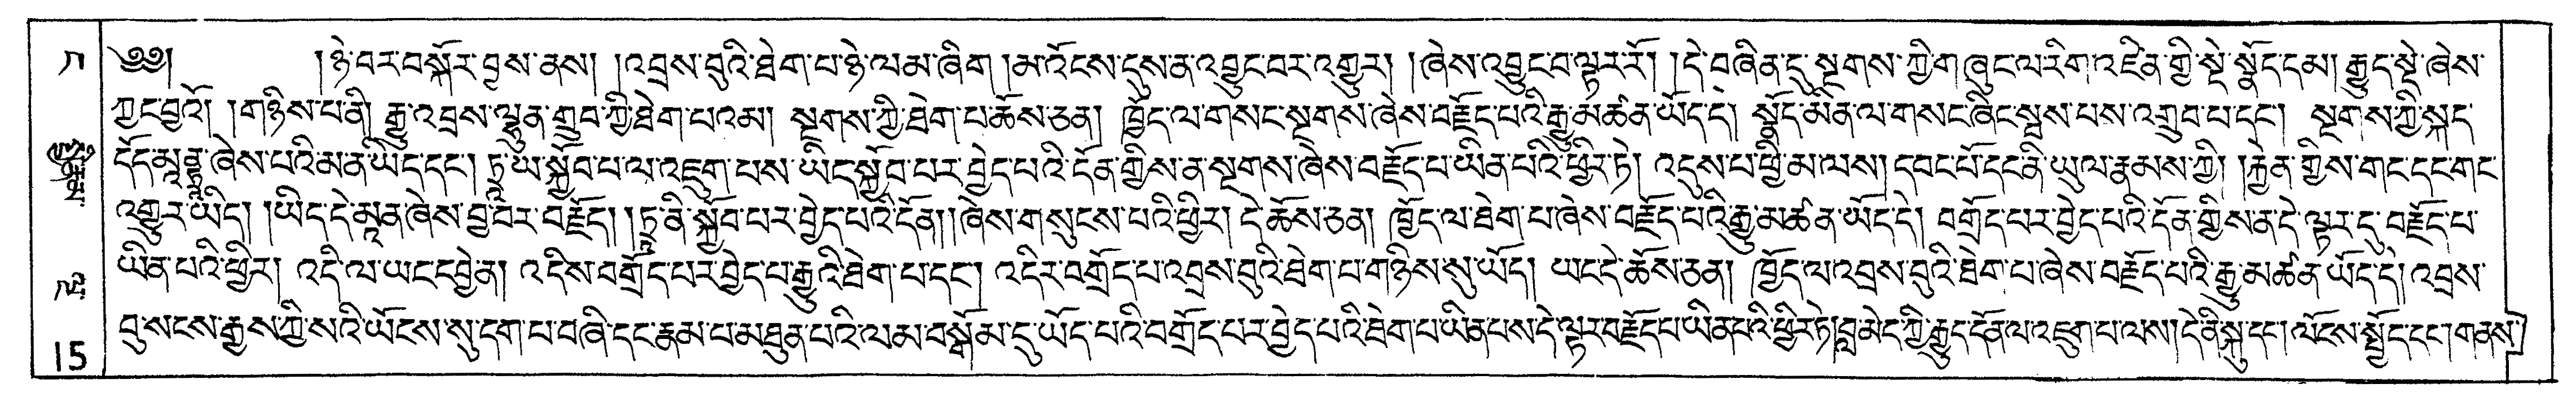༄༅། །ཉེ་བར་བསྐོར་བྱས་ནས། །འབྲས་བུའི་ཐེག་པ་ཉེ་ལམ་ཞིག །མ་འོངས་དུས་ན་འབྱུང་བར་འགྱུར། །ཞེས་འབྱུང་བ་ལྟར་རོ། །དེ་བཞིན་དུ་སྔགས་ཀྱི་གཞུང་ལ་རིག་འཛིན་གྱི་སྡེ་སྣོད་དམ། རྒྱུད་སྡེ་ཞེས་
ཀྱང་བྱའོ། །གཉིས་པ་ནི། རྒྱུ་འབྲས་ལྷུན་གྲུབ་ཀྱི་ཐེག་པའམ། སྔགས་ཀྱི་ཐེག་པ་ཆོས་ཅན། ཁྱོད་ལ་གསང་སྔགས་ཞེས་བརྗོད་པའི་རྒྱུ་མཚན་ཡོད་དེ། སྣོད་མིན་ལ་གསང་ཞིང་སྦས་པས་འགྲུབ་པ་དང་། སྔགས་ཀྱི་སྐད་
དོད་མཱནྟྲཱ་ཞེས་པའི་མ་ན་ཡིད་དང་། ཏྲཱ་ཡ་སྐྱོབ་པ་ལ་འཇུག་པས་ཡིད་སྐྱོབ་པར་བྱེད་པའི་དོན་གྱིས་ན་སྔགས་ཞེས་བརྗོད་པ་ཡིན་པའི་ཕྱིར་ཏེ། འདུས་པ་ཕྱི་མ་ལས། དབང་པོ་དང་ནི་ཡུལ་རྣམས་ཀྱི། །རྐྱེན་གྱིས་གང་དང་གང་
འགྱུར་ཡིད། །ཡིད་དེ་མཱན་ཞེས་བྱ་བར་བརྗོད། །ཏྲཱ་ནི་སྐྱོབ་པར་བྱེད་པའི་དོན། །ཞེས་གསུངས་པའི་ཕྱིར། དེ་ཆོས་ཅན། ཁྱོད་ལ་ཐེག་པ་ཞེས་བརྗོད་པའི་རྒྱུ་མཚན་ཡོད་དེ། བགྲོད་པར་བྱེད་པའི་དོན་གྱིས་ན་དེ་ལྟར་དུ་བརྗོད་པ་
ཡིན་པའི་ཕྱིར། འདི་ལ་ཡང་དབྱེ་ན། འདིས་བགྲོད་པར་བྱེད་པ་རྒྱུའི་ཐེག་པ་དང་། འདིར་བགྲོད་པ་འབྲས་བུའི་ཐེག་པ་གཉིས་སུ་ཡོད། ཡང་དེ་ཆོས་ཅན། ཁྱོད་ལ་འབྲས་བུའི་ཐེག་པ་ཞེས་བརྗོད་པའི་རྒྱུ་མཚན་ཡོད་དེ། འབྲས་
བུ་སངས་རྒྱས་ཀྱི་སའི་ཡོངས་སུ་དག་པ་བཞི་དང་རྣམ་པ་མཐུན་པའི་ལམ་བསྒོམ་དུ་ཡོད་པའི་བགྲོད་པར་བྱེད་པའི་ཐེག་པ་ཡིན་པས་དེ་ལྟར་བརྗོད་པ་ཡིན་པའི་ཕྱིར་ཏེ། བླ་མེད་ཀྱི་རྒྱུད་དོན་ལ་འཇུག་པ་ལས། དེ་ནི་སྐུ་དང་། ལོངས་སྤྱོད་དང་། གནས་